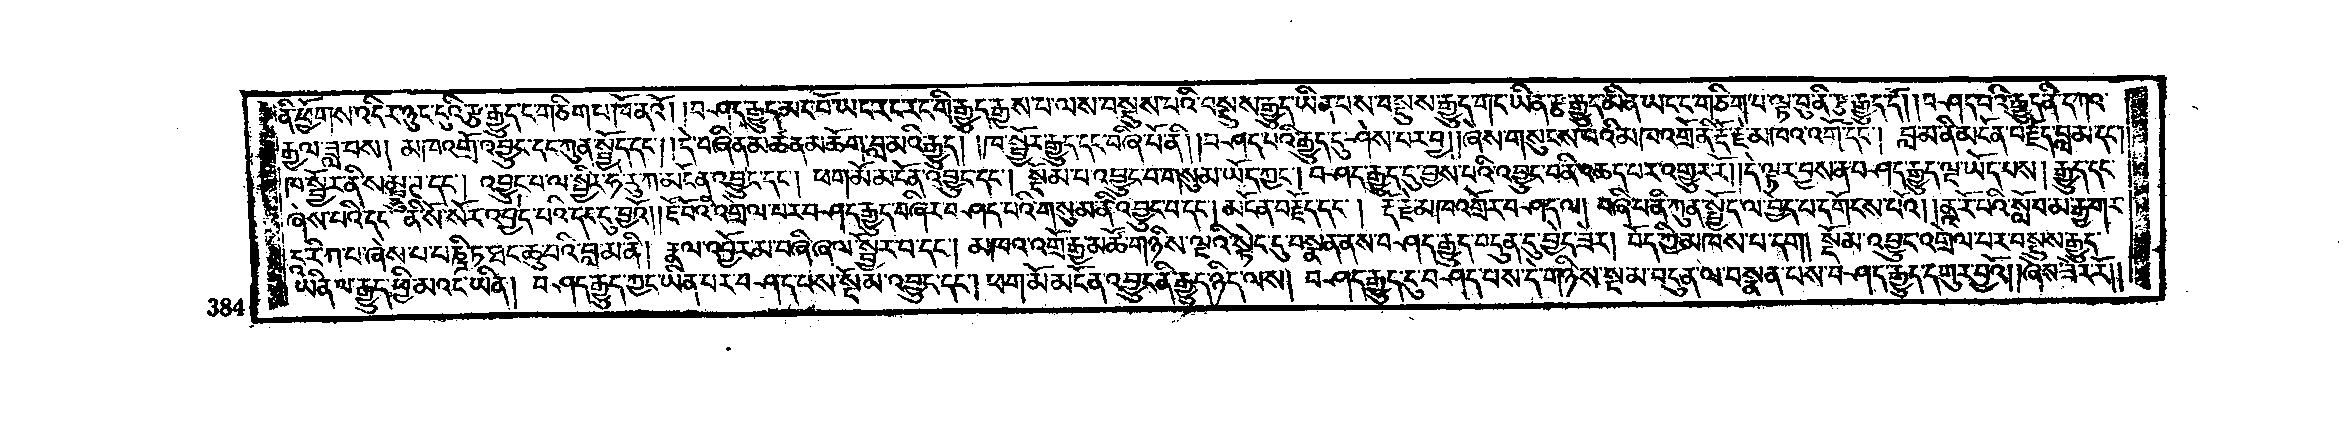ནི་ཕྱོགས་འདིར་ཉུང་ངུའི་རྩ་རྒྱུད་ང་གཅིག་པ་ཁོ་ནའོ། །བཤད་རྒྱུད་མང་པོ་ཡང་རང་རང་གི་རྒྱུད་རྒྱས་པ་ལས་བསྡུས་པའི་བསྡུས་རྒྱུད་ཡིན་པས་བསྡུས་རྒྱུད་གང་ཡིན་རྩ་རྒྱུད་མིན་ཡང་ང་གཅིག་པ་ལྟ་བུ་ནི་རྩ་རྒྱུད་དོ། །བཤད་པའི་རྒྱུད་ནི་དཀའ་
རྒྱལ་ཟླ་བས། མཁའ་འགྲོ་འབྱུང་དང་ཀུན་སྤྱོད་དང་། །དེ་བཞིན་མཚན་མཆོག་བླ་མའི་རྒྱུད། །ཁ་སྦྱོར་རྒྱུད་དང་བཞི་པོ་ནི། །བཤད་པའི་རྒྱུད་དུ་ཤེས་པར་བྱ། །ཞེས་གསུངས་པའི་མཁའ་འགྲོ་ནི་རྡོ་རྗེ་མཁའ་འགྲོ་དང་། བླ་མ་ནི་མངོན་བརྗོད་བླ་མ་དང་།
ཁ་སྦྱོར་ནི་སམྦྷུ་ཊ་དང་། འབྱུང་བ་ལ་སྤྱིར་ཧེ་རུ་ཀ་མངོན་འབྱུང་དང་། ཕག་མོ་མངོན་འབྱུང་དང་། སྡོམ་པ་འབྱུང་བ་གསུམ་ཡོད་ཀྱང་། བཤད་རྒྱུད་དུ་བྱས་པའི་འབྱུང་བ་ནི་འཆད་པར་འགྱུར་རོ། །དེ་ལྟར་བྱས་ན་བཤད་རྒྱུད་ལྔ་ཡོད་པས། རྒྱུད་དང་
ཞེས་པའི་དང་ནི་སོ་སོར་འབྱེད་པའི་དང་དུ་བྱའོ། །ཇོ་བོའི་འགྲེལ་པར་བཤད་རྒྱུད་བཞིར་བཤད་པའི་གསུམ་ནི་འབྱུང་བ་དང་། མངོན་བརྗོད་དང་། རྡོ་རྗེ་མཁའ་འགྲོར་བཤད་ལ། བཞི་པ་ནི་ཀུན་སྤྱོད་ལ་བྱེད་པ་དགོངས་པའོ། །ནཱ་རོ་པའི་སློབ་མ་རྒྱ་གར་
དཱ་རི་ཀ་པ་ཞེས་པ་པཎྜི་ཏ་ཐང་ཆུ་བའི་བླ་མ་ནི། རྣལ་འབྱོར་མ་བཞི་ཞལ་སྦྱོར་བ་དང་། མཁའ་འགྲོ་རྒྱ་མཚོ་གཉིས་ལྔའི་སྟེང་དུ་བསྣན་ནས་བཤད་རྒྱུད་བདུན་དུ་བྱེད་ཟེར། བོད་ཀྱི་མཁས་པ་དག །སྡོམ་འབྱུང་འགྲེལ་པར་བསྡུས་རྒྱུད་
ཡིན་ལ་རྒྱུད་ཕྱི་མའང་ཡིན། བཤད་རྒྱུད་ཀྱང་ཡིན་པར་བཤད་པས་སྡོམ་འབྱུང་དང་། ཕག་མོ་མངོན་འབྱུང་ནི་རྒྱུད་ཉིད་ལས། བཤད་རྒྱུད་དུ་བཤད་པས་དེ་གཉིས་སྔ་མ་བདུན་ལ་བསྣན་པས་བཤད་རྒྱུད་དགུར་བྱའོ། །ཞེས་ཟེར་རོ། །